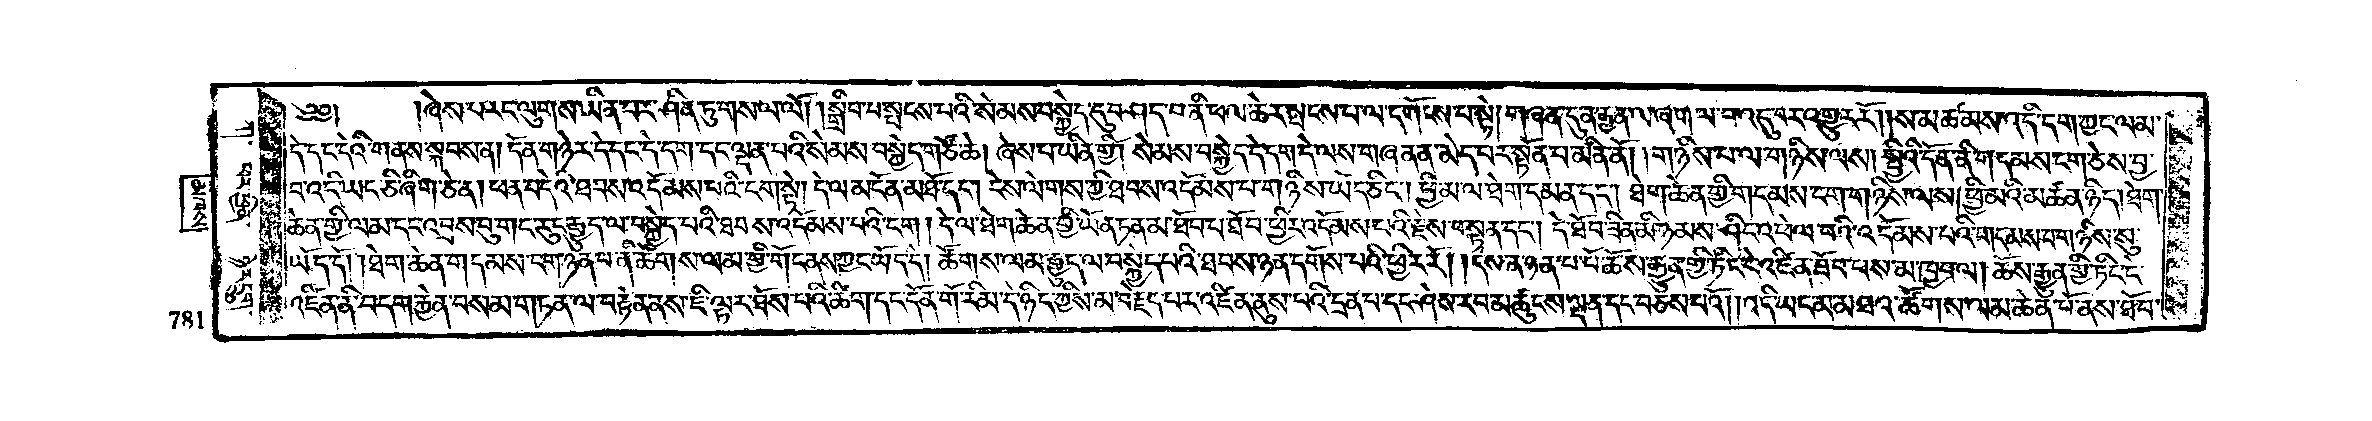༄༅། །ཞེས་པ་རང་ལུགས་ཡིན་པར་ཤིན་ཏུ་གསལ་ལོ། །སྒྲིབ་པ་སྤངས་པའི་སེམས་བསྐྱེད་དུ་བཤད་བ་ནི་ཕལ་ཆེར་སྤངས་པ་ལ་དགོངས་པ་སྟེ། གཞན་དུ་ན་རྒྱན་ལ་ཞག་ལ་བ་འདུ་བར་འགྱུར་རོ། །ས་མཚམས་འདི་དག་ཀྱང་ལམ་
དེ་དང་དེའི་གནས་སྐབས་ན། དོན་གཉེར་དེ་དང་དེ་དག་དང་ལྡན་པའི་སེམས་བསྐྱེད་གཙོ་ཆེ། ཞེས་པ་ཡིན་གྱི། སེམས་བསྐྱེད་དེ་དག་དེ་ལས་གཞན་ན་མེད་པར་སྟོན་པ་མིན་ནོ། །གཉིས་པ་ལ་གཉིས་ལས། སྤྱིའི་དོན་ནི་གདམས་ངག་ཅེས་བྱ་
བ་འདི་ཡང་ཅི་ཞིག་ཅེ་ན། ཕན་བདེའི་ཐབས་འདོམས་པའི་ངག་སྟེ། དེ་ལ་མངོན་མཐོ་དང་། ངེས་ལེགས་ཀྱི་ཐབས་འདོམས་པ་གཉིས་ཡོད་ཅིང་། ཕྱི་མ་ལ་ཐེག་དམན་དང་། ཐེག་ཆེན་གྱི་གདམས་ངག་གཉིས་ལས། ཕྱི་མའི་མཚན་ཉིད། ཐེག་
ཆེན་གྱི་ལམ་དང་འབྲས་བུ་གང་རུང་རྒྱུད་ལ་བསྐྱེད་པའི་ཐབས་འདོམས་པའི་ངག། དེ་ལ་ཐེག་ཆེན་གྱི་ཡོན་ཏན་མ་ཐོབ་པ་ཐོབ་ཕྱིར་འདོམས་པའི་རྗེས་བསྟན་དང་། དེ་ཐོབ་ཟིན་མི་ཉམས་ཤིང་འཕེལ་བའི་འདོམས་པའི་གདམས་པ་གཉིས་སུ་
ཡོད་དོ། །ཐེག་ཆེན་གདམས་ངག་ཉན་པ་ནི་ཚོགས་ལམ་གྱི་གོང་ནས་ཀྱང་ཡོད་དེ། ཚོགས་ལམ་རྒྱུད་ལ་བསྐྱེད་པའི་ཐབས་ཉན་དགོས་པའི་ཕྱིར་རོ། །དེས་ན་ཉན་པ་པོ་ཆོས་རྒྱུན་གྱི་ཏིང་ངེ་འཛིན་ཐོབ་པས་མ་ཁྱབ་ལ། ཆོས་རྒྱུན་གྱི་ཏིང་ངེ་
འཛིན་ནི་བདག་རྐྱེན་བསམ་གཏན་ལ་བརྟེན་ནས་ཇི་ལྟར་ཐོས་པའི་ཚིག་དང་དོན་གོ་རིམ་དེ་ཉིད་ཀྱིས་མ་བརྗེད་པར་འཛིན་ནུས་པའི་དྲན་པ་དང་ཤེས་རབ་མཚུངས་ལྡན་དང་བཅས་པའོ། །འདི་ཡང་མ་མཐའ་ཚོགས་ལམ་ཆེན་པོ་ནས་ཐོབ་